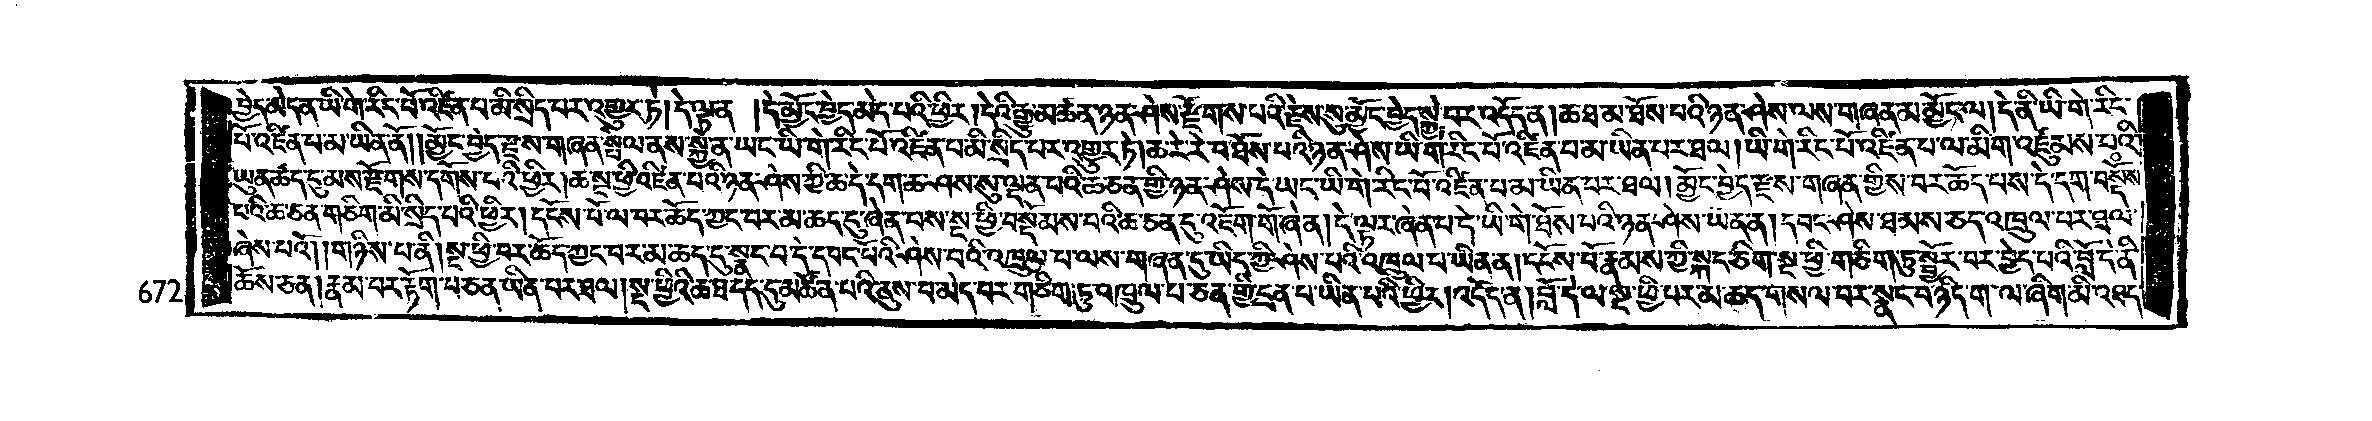བྱེད་མེད་ན་ཡི་གེ་རིང་པོ་འཛིན་པ་མི་སྲིད་པར་འགྱུར་ཏེ། དེ་ལྟ་ན་།དེ་མྱོང་བྱེད་མེད་པའི་ཕྱིར། དེའི་རྒྱུ་མཚན་ཉན་ཤེས་རྫོགས་པའི་རྗེས་སུ་མྱོང་བྱེད་སྐྱེ་བར་འདོད་ན། ཆ་ཐ་མ་ཐོས་པའི་ཉན་ཤེས་ལས་གཞན་མ་མྱོང་ལ། དེ་ནི་ཡི་གེ་རིང་
པོ་འཛིན་པ་མ་ཡིན་ནོ། །མྱོང་བྱེད་རྫས་གཞན་སྤེལ་ནས་སྐྱེ་ན་ཡང་ཡི་གེ་རིང་པོ་འཛིན་པ་མི་སྲིད་པར་འགྱུར་ཏེ། ཆ་རེ་རེ་བ་ཐོས་པའི་ཉན་ཤེས་ཡི་གེ་རིང་པོ་འཛིན་པ་མ་ཡིན་པར་ཐལ། ཡི་གེ་རིང་པོ་འཛིན་པ་ལ་མིག་འཛུམས་པའི་
ཡུན་ཚད་དུ་མས་རྫོགས་དགོས་པའི་ཕྱིར། ཆ་སྔ་ཕྱི་འཛིན་པའི་ཉན་ཤེས་ཀྱི་ཆ་དེ་དག་ཆ་ཤས་སུ་ལྡན་པའི་ཆ་ཅན་གྱི་ཉན་ཤེས་དེ་ཡང་ཡི་གེ་རིང་པོ་འཛིན་པ་མ་ཡིན་པར་ཐལ། མྱོང་བྱེད་རྫས་གཞན་གྱིས་བར་ཆོད་པས་དེ་དག་བསྡོཾས་
པའི་ཆ་ཅན་གཅིག་མི་སྲིད་པའི་ཕྱིར། དངོས་པོ་ལ་བར་ཆོད་ཀྱང་བར་མ་ཚད་དུ་ཞེན་པས་སྔ་ཕྱི་བསྡོམས་པའི་ཆ་ཅན་དུ་འཇོག་གོ་ཞེ་ན། དེ་ལྟར་ཞེན་པ་དེ་ཡི་ཏེ་ཐོས་པའི་ཉན་ཤེས་ཡོན་ན། དབང་ཤས་ཐམས་ཅད་འཁྲུལ་པར་ཐལ་
ཞེས་པའོ། གཉིས་པ་ནི། སྔ་ཕྱི་བར་ཆོད་ཀྱང་བར་མ་ཚད་དུ་སྣང་བ་དེ་དབང་པོའི་ཤེས་པའི་འཁྲུལ་པ་ལས་གཞན་དུ་ཡིད་ཀྱི་ཤེས་པའི་འཁྲུལ་པ་ཡིན་ན། དངོས་པོ་རྣམས་ཀྱི་སྐད་ཅིག་སྔ་ཕྱི་གཅིག་ཏུ་སྦྱོར་བར་བྱེད་པའི་བློ་དེ་ནི་
ཆོས་ཅན། རྣམ་པར་རྟོག་པ་ཅན་ཡིན་པར་ཐལ། སྔ་ཕྱིའི་ཆ་ཐ་དད་དུ་མཚོན་པའི་ནུས་པ་མེད་པར་གཅིག་ཏུ་འཁྲུལ་པ་ཅན་གྱི་དྲན་པ་ཡིན་པའི་ཕྱིར། འདོད་ན། བློ་དེ་ལ་སྔ་ཕྱི་བར་མ་ཆད་གསལ་བར་སྣང་བ་ཉིད་ག་ལ་ཞིག་མི་འཐད་